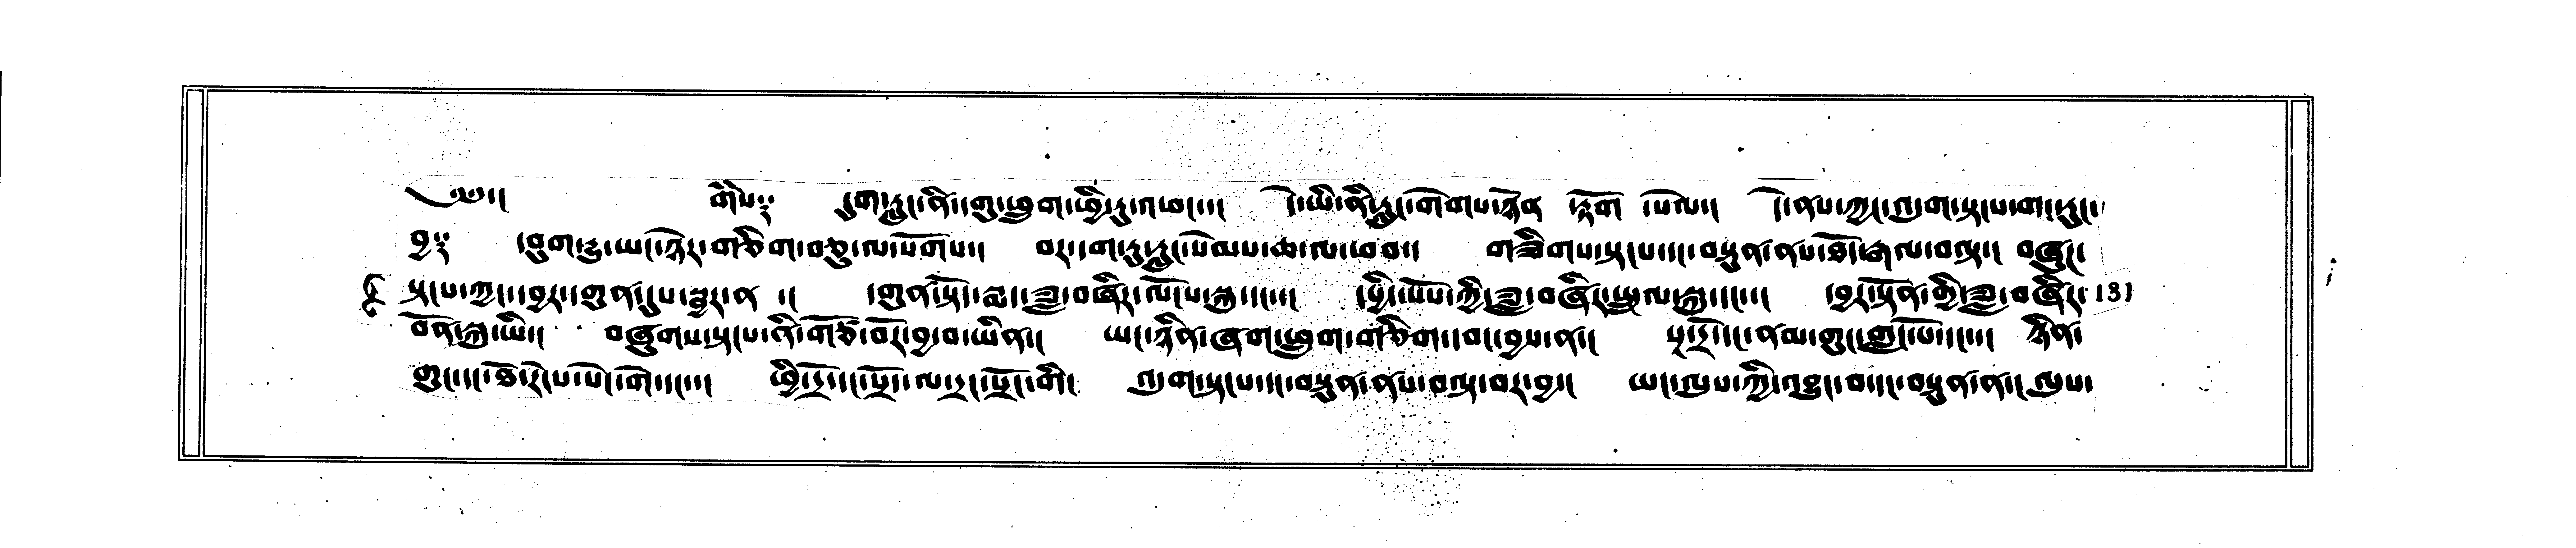གིས། །དུག་རླུང་ནི་དགུ་ཕྲུག་ཕྱི་རུ་འཕང་། །དེ་ཡི་ནི་རླུང་གེག་ཉེན་རྟོག་སེལ། །དེ་ནས་ཀྱང་འདུག་སྟངས་གང་རུང་
བྱ། །དབུགས་རྒྱུ་ཡང་ཉེར་གཅིག་བཅུ་ལ་སོགས། །བར་དག་ཏུ་རླུང་སེམས་ཆ་ལ་ཕབ། །གཟིགས་སྟངས་དང་བསྟུན་ནས་ཐོད་རྒལ་བལྟ། །བཞུགས་
སྟངས་ཀྱང་དབྱར་དགུན་དུས་སྦྱར་ན། །དགུན་སྟོད་སྨད་ཟླ་བཞིར་ལོངས་སྐུ་དང་། །དཔྱིད་སོས་ཀྱི་ཟླ་བཞིར་སྤྲུལ་སྐུ་དང་། །དབྱར་སྟོན་གྱི་ཟླ་བཞིར་
བོན་སྐུ་ཡི། །བཞུགས་སྟངས་ནི་གཙོ་བོར་བྱ་བ་ཡིན། །ཡང་ཉིན་ཞག་ཕྲུག་ཅིག་དབང་བྱས་ན། །སྔ་དྲོ་དང་ནམ་གུང་གླང་པོ་དང་། །ཉིན་
གུང་དང་ཐོ་རེངས་སེང་གེ་དང་། །ཕྱི་དྲོ་དང་སྲོད་ལ་དྲང་སྲོང་གི །འདུག་སྟངས་དང་བསྟུན་ནས་བལྟ་བར་བྱ། །ཡང་ལུས་ཀྱི་འབྱུང་བ་དང་བསྟུན་ན། །ལུས་